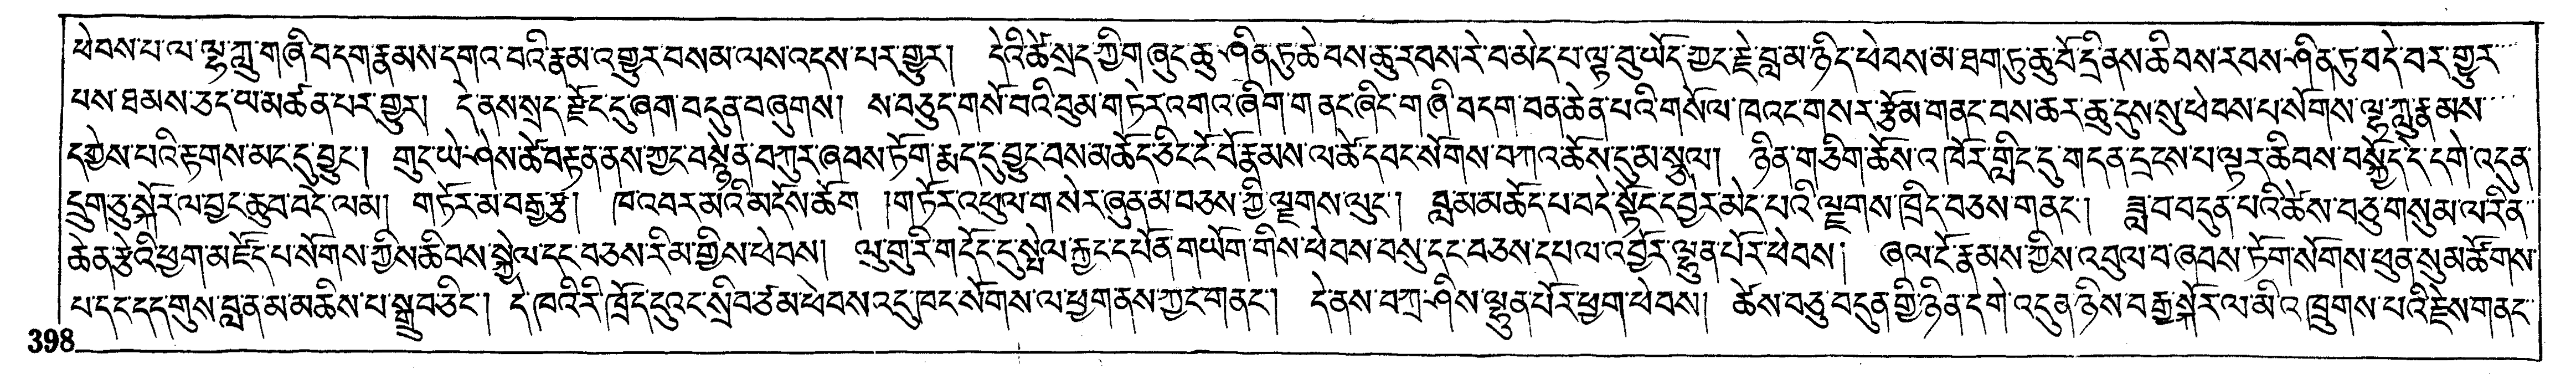ཕེབས་པ་ལ་ལྷ་ཀླུ་གཞི་བདག་རྣམས་དགའ་བའི་རྣམ་འགྱུར་བསམ་ལས་འདས་པར་གྱུར། དེའི་ཚེ་སྲད་ཀྱི་གཞུང་ཆུ་ཤིན་ཏུ་ཆེ་བས་ཆུ་རབས་རེ་བ་མེད་པ་ལྟ་བུ་ཡོད་ཀྱང་རྗེ་བླ་མ་ཉིད་ཕེབས་མ་ཐག་ཏུ་ཆུ་བོ་པྲི་ནས་ཆིབས་རབས་ཤིན་ཏུ་བདེ་བར་གྱུར་
པས་ཐམས་ཅད་ཡ་མཚན་པར་གྱུར། དེ་ནས་སྲང་རྫོང་དུ་ཞག་བདུན་བཞུགས། ས་བཅུད་གསོ་བའི་བུམ་གཏེར་འགའ་ཞིག་གནང་ཞིང་གཞི་བདག་བན་ཆེན་པའི་གསོལ་ཁའང་གསར་རྩོམ་གནང་བས་ཆར་ཆུ་དུས་སུ་ཕེབས་པ་སོགས་ལྷ་ཀླུ་རྣམས་
དགྱེས་པའི་རྟགས་མང་དུ་བྱུང་། གུང་ཡེ་ཤེས་ཚེ་བརྟན་ནས་ཀྱང་བསྙེན་བཀུར་ཞབས་ཏོག་རྨད་དུ་བྱུང་བས་མཆོད་ཅིང་ངོ་བོ་རྣམས་ལ་ཚེ་དབང་སོགས་བཀའ་ཆོས་དུ་མ་སྩལ། ཉིན་གཅིག་ཆོས་འཁོར་གླིང་དུ་གདན་དྲངས་པ་ལྟར་ཆིབས་བསྐྱོད་དེ་དགེ་འདུན་
དྲུག་ཅུ་སྐོར་ལ་བྱང་ཆུབ་བདེ་ལམ། གཏོར་མ་བརྒྱ་རྩ། ཁ་འབར་མའི་མདོས་ཆོག །གཏོར་འབུལ་གསེར་ཞུན་མ་བཅས་ཀྱི་ལྗགས་ལུང་། བླ་མ་མཆོད་པ་བདེ་སྟོང་དབྱེར་མེད་མའི་ལྗགས་ཁྲིད་བཅས་གནད། ཟླ་བ་བདུན་པའི་ཚེས་བཅུ་གསུམ་ལ་རིན་
ཆེན་རྩེའི་ཕྱག་མཛོད་བ་སོགས་ཀྱིས་ཆིབས་སྐྱེལ་དང་བཅས་རིམ་གྱིས་ཕེབས། ལུ་གུ་རི་གདོང་དུ་སྤེལ་རྐྱང་དབོན་གཡོག་གིས་ཕེབས་བསུ་དང་བཅས་དཔལ་འབྱོར་ལྷུན་པོར་ཕེབས། ཞལ་ངོ་རྣམས་ཀྱིས་འབུལ་བ་ཞབས་ཏོག་སོགས་ཕུན་སུམ་ཚོགས་
པ་དང་དང་གུས་བླ་ན་མ་མཆིས་པ་སྒྲུབ་ཅིང་། དེ་ཁའི་རི་ཁྲོད་དུའང་སྲིབ་ཙམ་ཕེབས་འདུ་ཁང་སོགས་ལ་ཕྱག་ནས་ཀྱང་གནང་། དེ་ནས་བཀྲ་ཤིས་ལྷུན་པོར་ཕྱག་ཕེབས། ཚེས་བཅུ་བདུན་གྱི་ཉིན་དགེ་འདུན་ཉིས་བརྒྱ་སྐོར་ལ་མི་འཁྲུགས་པའི་རྗེས་གནང་